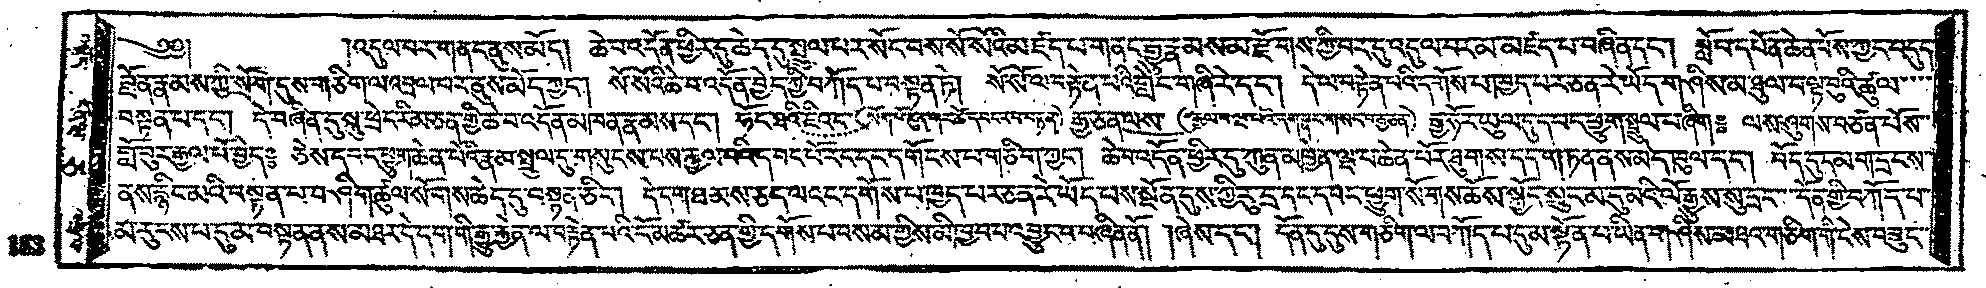༄༅། །འདུལ་བར་གནང་ནུས་མོད། ཆེ་བ་འདོན་ཕྱིར་དུ་ཆེད་དུ་སྤྲུལ་པར་སོང་བས་སོ་སོའི་མཛད་པ་གནང་རྒྱུ་རྣམས་མ་རྫོགས་ཀྱི་བར་དུ་འདུལ་བར་མ་མཛད་པ་བཞིན་དང་། སློབ་དཔོན་ཆེན་པོས་ཀྱང་བདུད་
བློན་རྣམས་ཀྱི་སྲོག་དུས་གཅིག་ལ་འབྲལ་བར་ནུས་མོད་ཀྱང་། སོ་སོའི་ཆེ་བ་འདོན་བྱེད་ཀྱི་བཀོད་པ་བསྟན་ཏེ། སོ་སོ་ལ་བརྟེན་པའི་གླེང་གཞི་རེ་དང་། དེ་ལ་བརྟེན་པའི་དགོས་པ་ཁྱད་པར་ཅན་རེ་ཡོད་གཤིས་མ་ཐུལ་བ་ལྟ་བུའི་ཚུལ་
བསྟན་པ་དང་། དེ་བཞིན་དུ་སྐུ་ཕྲེང་རིམ་ཅན་གྱི་ཆེ་བ་འདོན་མཁན་རྣམས་དང་། ཧོང་ཐའི་ཇིའང་སོག་པོ་ཇུན་གར་ཚེ་དབང་རབ་བརྟན་རྒྱ་ཅན་ལས་༧རྒྱལ་བ་ལྔ་པའི་དག་སྣང་གསང་བརྒྱ་ཅན་རྒྱ་ཧོར་ཡུལ་དུ་དབང་ཕྱུག་སྤྲུལ་པ་ཞིགཿ ལས་ཤུགས་བཙན་པོས་
གློ་བུར་རྒྱལ་པོ་བྱེདཿ ཅེས་དབང་ཕྱུག་ཆེན་པོའི་རྣམ་སྤྲུལ་དུ་གསུངས་པས་རྒྱལ་བའི་དབང་པོ་རང་དང་དགོངས་པ་གཅིག་ཀྱང་། ཆེ་བ་འདོན་ཕྱིར་དུ་ཀུན་མཁྱེན་ལྔ་པ་ཆེན་པོར་ཐུགས་དད་གཏན་ནས་མེད་ཁུལ་དང་། བོད་དུ་དམག་དྲངས་
ནས་རྙིང་མའི་བསྟན་པ་བཤིག་ཚུལ་སོགས་ཆེད་དུ་བསྟན་ཅིང་། དེ་དག་ཐམས་ཅད་ལའང་དགོས་པ་ཁྱད་པར་ཅན་རེ་ཡོད་པས་སྔོན་དུས་ཀྱི་རུ་དྲ་དང་དབང་ཕྱུག་སོགས་ཆོས་སྐྱོང་སྲུང་མ་དུ་མའི་ལོ་རྒྱུས་སུ་དྲང་དོན་གྱི་བཀོད་པ་
མ་རུངས་པ་དུ་མ་བསྟན་ནས་མཐར་དེ་དག་གི་རྒྱུ་རྐྱེན་ལ་བརྟེན་པའི་ངོ་མཚར་ཅན་གྱི་དགོས་པ་བསམ་གྱིས་མི་ཁྱབ་པ་འབྱུང་བ་བཞིན་ནོ། །ཞེས་དང་། དོན་དུ་དུས་གཅིག་ལ་བཀོད་པ་དུ་མ་སྟོན་པ་ཡིན་གཤིས་མཐའ་གཅིག་གི་ངེས་བཟུང་